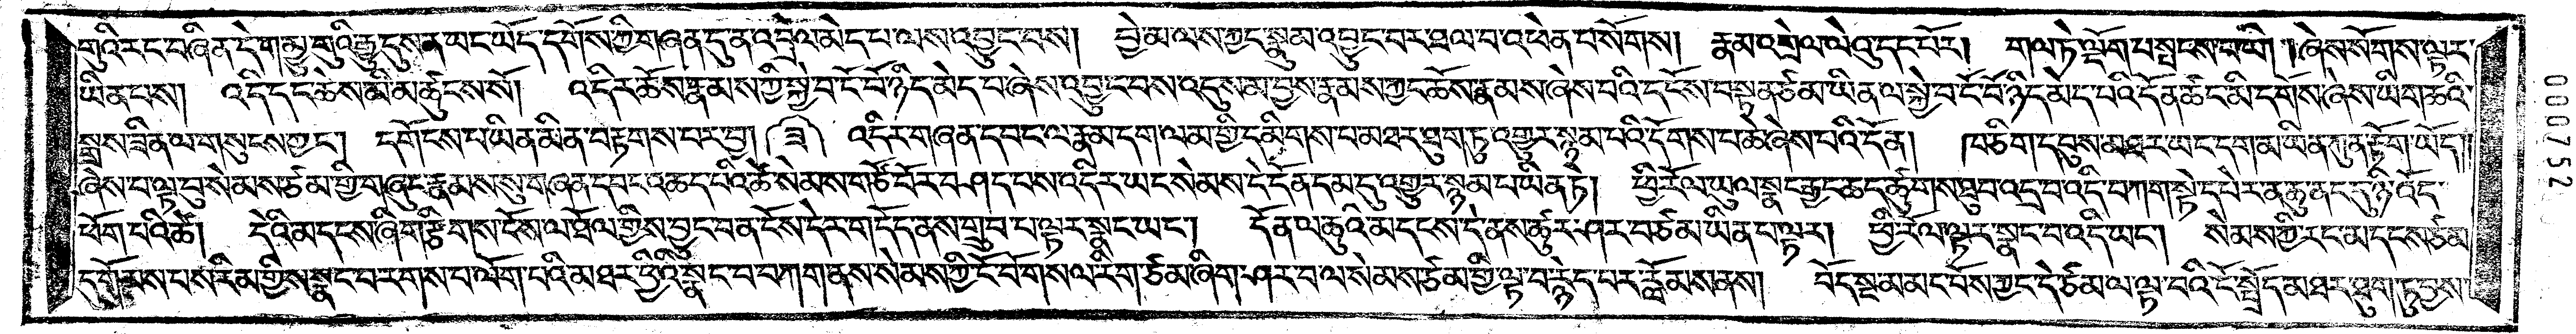གུའི་རང་བཞིན་དེ་ག་མྱུ་གུའི་རྒྱུ་དུས་ན་ཡང་ཡོད་དགོས་ཀྱི་གཞན་དུ་ན་འབྲེལ་མེད་པ་ལས་འབྱུང་བས། བྱེ་མ་ལས་ཀྱང་སྣུམ་འབྱུང་བར་ཐལ་བ་འཕེན་པ་སོགས། རྣམ་འགྲེལ་ལེའུ་དང་པོར། གལ་ཏེ་ལྡོག་པ་སྤངས་པ་ཡི། །ཞེས་སོགས་ལྟར་
ཡིན་པས། འདི་དང་ཆེས་མི་མཚུངས་སོ། འདིར་ཆོས་རྣམས་ཀྱི་སྐྱེ་བ་ངོ་བོ་ཉིད་མེད་པ་ཞེས་འབྱུང་བས་འདུས་མ་བྱས་རྣམས་ཀྱང་ཆོས་རྣམས་ཞེས་པའི་དངོས་བསྟན་ཙམ་ཡིན་ལ་སྐྱེ་བ་ངོ་བོ་ཉིད་མེད་པའི་དོན་ཚང་མི་དགོས་ཞེས་ཡིག་ཆའི་
སྒྲས་ཟིན་ལ་གསུངས་ཀྱང་། དགོངས་པ་ཡིན་མིན་བརྟགས་པར་བྱ། ༼ཟ༽ འདིར་གཞན་དབང་ལ་རྣམ་དག་ལམ་གྱི་དམིགས་པ་མཐར་ཐུག་ཏུ་འགྱུར་སྙམ་པའི་དོགས་པ་ཆེ་ཞེས་པའི་དོན། ཁ་ཅིག་དབུས་མཐར་ཡང་དག་མ་ཡིན་ཀུན་རྟོག་ཡོད། །
ཅེས་པ་ལྟ་བུ་སེམས་ཙམ་གྱི་གཞུང་རྣམས་སུ་གཞན་དབང་འཆད་པའི་ཚེ་སེམས་གཙོ་བོར་བཤད་པས་འདིར་ཡང་སེམས་དེ་དོན་དམ་དུ་འགྱུར་སྙམ་པ་ཡིན་ཏེ། ཕྱི་རོལ་ཡུལ་སྣང་རྒྱང་ཆད་ཚུགས་ཐུབ་འདྲ་བ་འདི་བཀག་སྟེ་དཔེར་ན་ཆུ་ནང་དུ་ཉི་འོད་
ཕོག་པའི་ཚེ། དེའི་མདངས་ཞིག་རྩིགས་ངོས་ལ་ཐོལ་གྱིས་བྱུང་བ་ན་ངོས་དེར་གདོད་ནས་གྲུབ་པ་ལྟར་སྣང་ཡང་། དོན་ལ་ཆུའི་མདངས་དེ་ནས་ཚུར་ཤར་བ་ཙམ་ཡིན་པ་ལྟར། ཕྱི་རོལ་ལྟར་སྣང་བ་འདི་ཡང་། སེམས་ཀྱི་རང་མདངས་ཙམ་
དུ་གོམས་པས་རིམ་གྱིས་སྣང་བར་གས་པ་ལོག་པའི་མཐར་ཕྱིའི་སྣང་བ་བཀག་ནས་སེམས་ཀྱི་ངོ་བོ་གསལ་རིག་ཙམ་ཞིག་ཤར་བ་ལ་སེམས་ཙམ་གྱི་ལྟ་བ་རྙེད་བར་རློམས་ནས། པོད་སྔ་མ་མང་པོས་ཀྱང་དེ་ཙམ་ལ་ལྔ་བའི་ངོ་སྤྲོད་མཐར་ཐུག་ཏུ་བྱས་